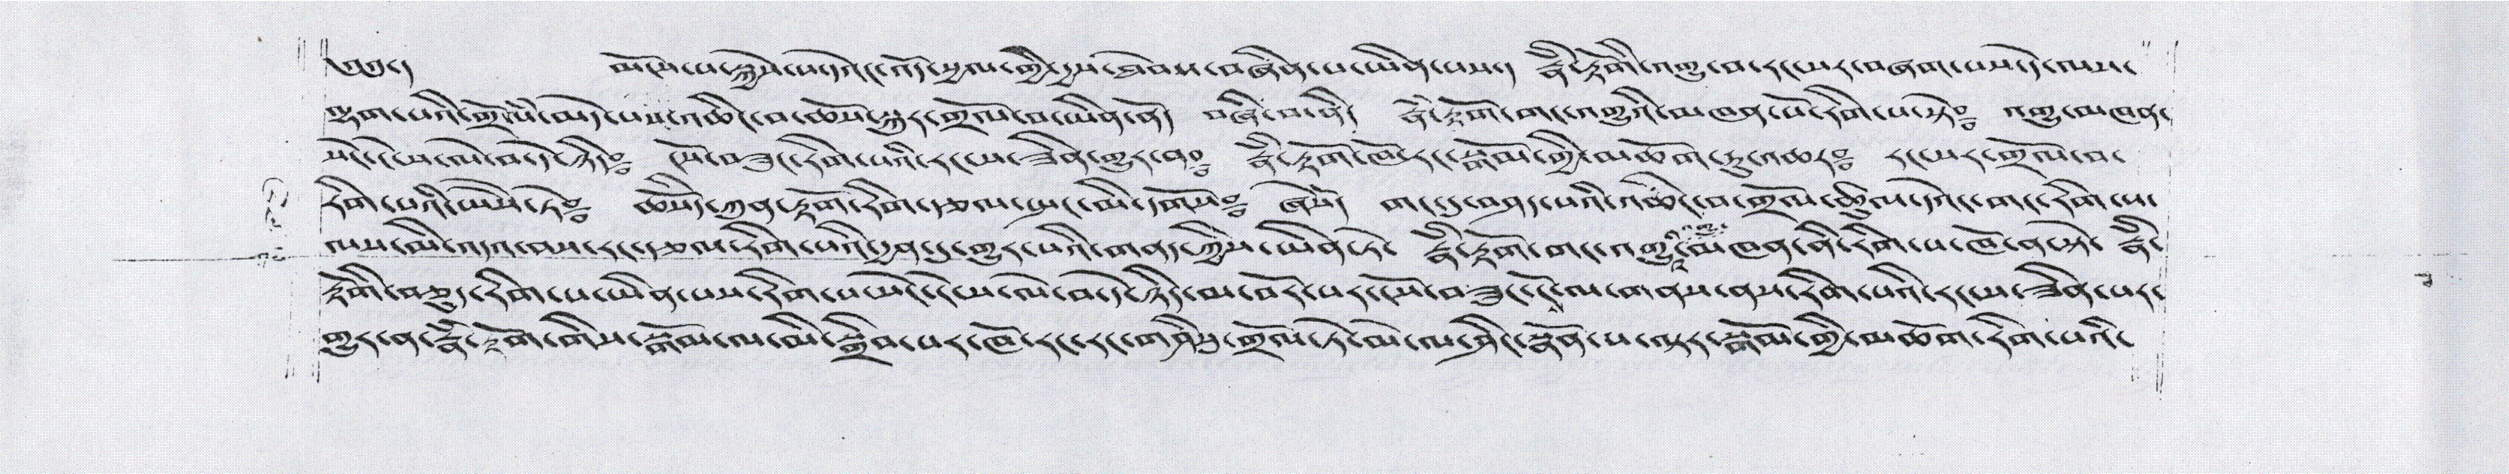མོངས་པ་སྐྱེས་པ་དེ་ཡང་འོད་གསལ་གྱི་རྒྱས་ཐེབས་བཞིན་པ་ཡིན་པས། རྣམ་རྟོག་གི་འགྱུ་བ་རང་སར་བཞག་པས་དེ་ལས་
ལྷག་པའི་གྲོལ་ལམ་མེད་པས་འཆིང་བ་ཆོས་སྐུར་གྲོལ་བ་ཡིན་ནོ། བཞི་པ་ནི་རྣམ་རྟོག་གང་འགྱུའི་མཁན་པོ་རིག་པ་སྟེཿ འགྱུ་མཁན་
སེང་ངེ་ས་ལེ་བ་དེ་ཉིདཿ ངོས་བཟུང་རིག་པའི་རང་ས་ཟིན་གྱུར་ནཿ རྣམ་རྟོག་ཁོ་རང་སྒོམ་གྱི་མཆོག་ཏུ་འཆརཿ རང་སར་གྲོལ་བ་
རིག་པའི་ཡེ་ཤེས་ཏེཿ ཆོས་ཉིད་ཀུན་རྟོག་རིག་རྩལ་སྤང་མི་དགོསཿ ཞེས་སོ། གོང་དུ་བཤད་པའི་འཆིང་བ་གྲོལ་ཚུལ་དེ་ཡང་གང་རིག་པ་
ལས་མི་འདའ་བས་རང་རྩལ་རིག་པའི་རྒྱན་དུ་གྱུར་པའི་གནད་ཀྱིས་ཡིན་ཏེ། རྣམ་རྟོག་གང་འགྱུའི་འགྱུ་མཁན་ནི་རིག་པ་ཁོ་ན་སྟེ། རྣམ་
རྟོག་གི་བཅུད་རིག་པ་ཡིན་པས་རིག་པ་སེང་ངེ་ས་ལེ་བ་དེ་ཉིད་མ་བོར་བར་ངོས་བཟུང་ངོས་ལ་གནས་པས་རིག་པའི་རང་ས་ཟིན་པར་
གྱུར་ན་རྣམ་རྟོག་གིས་སྒོམ་ལ་མི་བསྒྲིབས་པར་ཁོ་རང་རང་གཤིས་སུ་གྲོལ་ཏེ་མེ་ལ་ཤིང་སྣོན་པ་ལྟར་སྒོམ་གྱི་མཆོག་རིག་པའི་